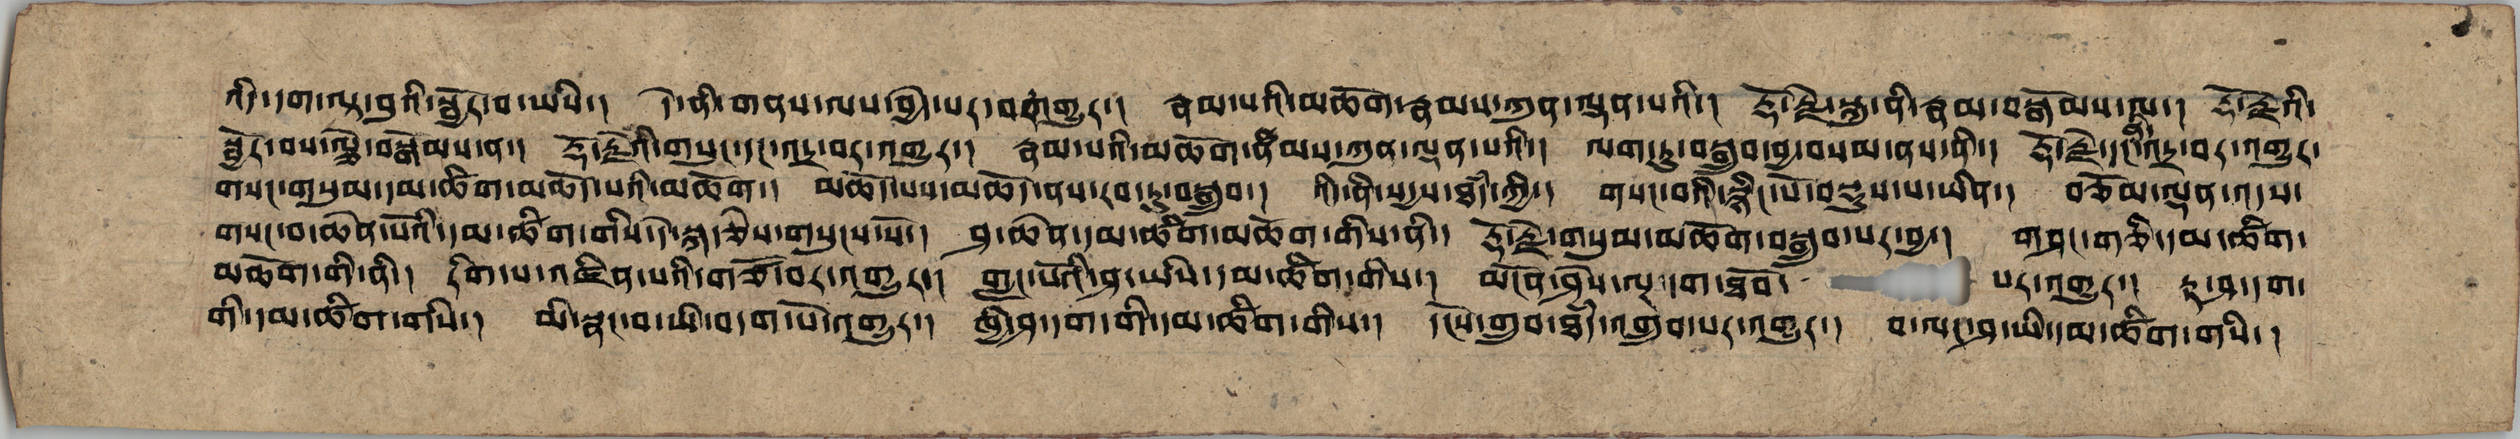འདི་དག་ལྟ་བུའི་སྦྱོར་བ་ཡིས་། དེ་ནི་གནས་ལས་བྱེད་པར་བར་འགྱུར་། རྣམ་པའི་མཆོག་རྣམས་ཀུན་ལྡན་པའི་།་ རྡོ་རྗེ་སྐུ་ནི་རྣམ་བསྒོམས་ལ་། རྡོ་རྗེའི་
སྦྱོར་བས་ལྕེ་བསྒོམས་ན་། རྡོ་རྗེའི་གསུང་དང་འདྲ་བར་འགྱུར་། རྣམ་པའི་མཆོག་རྣམས་ཀུན་ལྡན་པའི་། ལག་ཏུ་བསྒྲུབ་བྱ་བསམ་ནས་ནི་། རྡོ་རྗེ་དང་ནི་འདྲ་བར་འགྱུར་
གསང་གསུམ་དམ་ཚིག་མཆོད་པའི་མཆོག་། མཆོད་པས་མཆོད་ནས་རབ་ཏུ་བསྒྲུབ་། འདི་ནི་སདྱས་ཐཾད་ཀྱི་། གསང་བའི་སྙིང་པོ་བསྡུས་པ་ཡིན་། བཅོམ་ལྡན་འདས་
གསང་བ་ཆེན་པོའི་དམ་ཚིག་གིས་དེ་སྐད་ཅེས་གསུངས་སོ་། ཤ་ཆེན་དམ་ཚིག་མཆོག་གིས་ནི་། རྡོ་རྗེ་གསུམ་མཆོག་བསྒྲུབ་པར་བྱ་། གཤང་གཅི་དམ་ཚིག་
མཆོག་གི་ནི་། རིག་པ་འཛིན་པའི་གཙོ་བར་འགྱུར་། གླང་པོའི་ཤ་ཡིས་དམ་ཚིག་གིས་། མངོན་ཤེས་ལྔ་དག་ཐོབ་ པར་འགྱུར་། རྟ་ཤ་དག་
གི་དམ་ཚིག་གིས། མི་སྣང་བ་ཡི་བདག་པོ་འགྱུར་། ཁྱི་ཤ་དག་གི་དམ་ཚིག་གིས་། དངོས་གྲུབ་ཐཾད་འགྲུབ་པར་འགྱུར་། བ་ལང་ཤ་ཡི་དམ་ཚིག་གིས་།